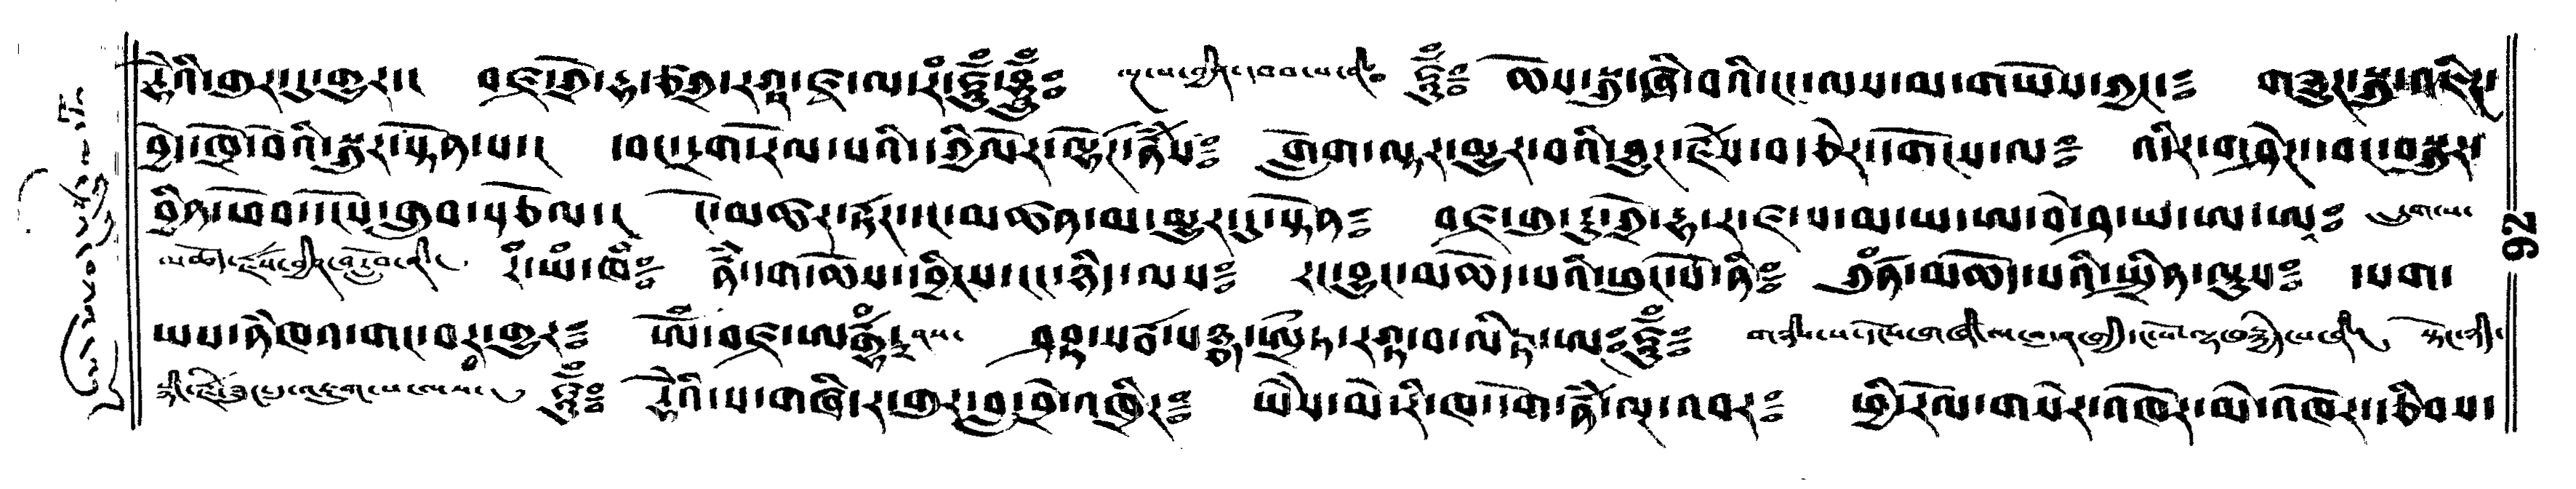རྡོ་རྗེའི་གུར་དུ་གྱུར༔ བཛྲ་ཀྲོ་དྷ་ཙཀྲ་རཀྴ་ཛྭ་ལ་རཾ་ཧཱུྃ་བྷྲུྃ༔ ལྔ་པ་བྱིན་དབབ་པ་ནི། ཧཱུྃ༔ ཆོས་སྐུ་ཞི་བའི་ངང་ལས་མ་གཡོས་ཀྱང༔ གཟུགས་སྐུ་འཇིགས་
བྱཻད་ཁྲོ་བོའི་སྐུར་སྟོན་པ༔ དབང་དྲག་རོལ་པའི་དཀྱིལ་འཁོར་ལྷ་ཚོགས་རྣམས༔ གློག་ལྟར་མྱུར་བའི་ཐུགས་རྗེས་བརྩེར་དགོངས་ལ༔འདིར་གཤེགས་དབང་བསྐུར་
བྱིན་ཕོབ་དངོས་གྲུབ་སྩོལ༔ ངོ་མཚར་རྟགས་དང་མཚན་མ་མྱུར་དུ་སྟོན༔ བཛྲ་གུ་རུ་ཀྲོ་དྷ་ར་་ཛ་ས་མ་ཡ་ཨ་བེ་ཤ་ཡ་ཨ་ཨཱཿ དྲུག་པ་
མཆོད་རྫས་བྱིན་བརླབ་ནི། རཾ་ཡཾ་ཁཾ༔ རྣམ་དག་ཆོས་དབྱིངས་ངང་ཉིད་ལས༔ རང་བྱུང་མཆོད་པའི་ཕུང་པོ་ནི༔ ཀུན་བཟང་མཆོད་པའི་སྤྲིན་ལྟ་བུས༔ དཔག་
ཡས་ནམ་མཁའ་གང་བར་གྱུར༔ ཨོཾ་བཛྲ་ཨརྒྷཾ༴ ནས། ཤབྡ་སརྦ་པཉྩ་ཨ་མྲི་ཏ་རཀྟ་བ་ལིངྟ་ཨཱཿཧཱུྃ༔ གཉིས་པ་དངོས་གཞི་ལ་བདུན་གྱི་དང་པོ་ལྷ་བསྐྱེད་པ་ནི། སྟོང་ཉིད་
སྙིང་རྗེ་ཟུང་དུ་འཇུག་པ་ལས། ཧཱུྃ༔ རྡོ་རྗེའི་ས་གཞི་ར་གུར་བླ་བྲེ་འཁྲིགས༔ ཡེ་ཤེས་མེ་རི་ཁ་དོག་སྣ་ལྔ་འབར༔ ཕྱི་རོལ་གསེར་འཁོར་མེ་འཁོར་རྩིབས་